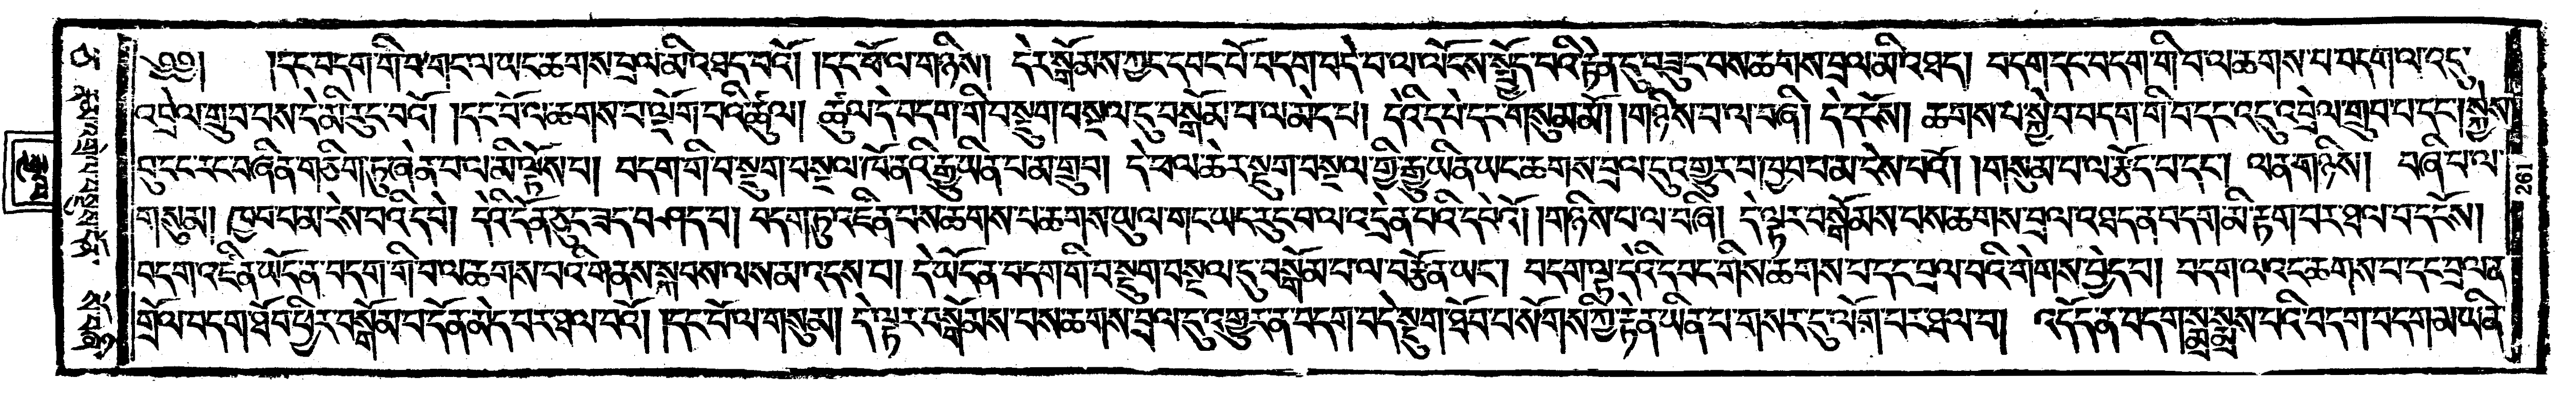༄༅། །དང་བདག་གི་བ་གང་ལ་ཡང་ཆགས་བྲལ་མི་འཐད་པའོ། །དང་པོ་ལ་གཉིས། དེར་སྒོམས་ཀྱང་དབང་པོ་བདག་བདེ་བ་ལ་ལོངས་སྤྱོད་པའི་རྟེན་དུ་བཟུང་བས་ཆགས་བྲལ་མི་འཐད། བདག་དང་བདག་གི་བ་ལ་ཆགས་པ་བདག་ལ་འདུ་
འབྲེལ་གྲུབ་པས་དེ་མི་རུང་བའོ། །དང་པོ་ལ་ཆགས་པ་ལྡོག་པའི་ཚུལ། ཚུལ་དེ་བདག་གི་བ་སྡུག་བསྔལ་དུ་བསྒོམ་པ་ལ་མེད་པ། དེའི་དཔེ་དང་གསུམ་མོ། །གཉིས་པ་ལ་བཞི། དེ་དངོས། ཆགས་པ་སྐྱེ་བ་བདག་གི་བ་དང་འདུ་འབྲེལ་གྲུབ་པ་དང་། སྐྱེས་
བུ་དང་རང་བཞིན་གཅིག་ཏུ་ཞེན་པ་ལ་མི་ལྟོས་པ། བདག་གི་བ་སྡུག་བསྔལ་ཁོ་ནའི་རྒྱུ་ཡིན་པ་མ་གྲུབ། དེ་ཕལ་ཆེར་སྡུག་བསྔལ་གྱི་རྒྱུ་ཡིན་ཡང་ཆགས་བྲལ་དུ་འགྱུར་བ་ཁྱབ་པ་མ་ངེས་པའོ། །གསུམ་པ་ལ་རྩོད་པ་དང་། ལན་གཉིས། བཞི་པ་ལ་
གསུམ། ཁྱབ་པ་མ་ངེས་པའི་དཔེ། དེའི་དོན་ཅུང་ཟད་བཤད་པ། བདག་ཏུ་འཛིན་པས་ཆགས་པ་ཆགས་ཡུལ་གང་ཡང་རུང་བ་ལ་འདྲེན་པའི་དཔེའོ། །གཉིས་པ་ལ་བཞི། དེ་ལྟར་བསྒོམས་པས་ཆགས་བྲལ་འཐད་ན་བདག་མི་རྟག་པར་ཐལ་བ་དངོས།
བདག་འཛིན་ཡོད་ན་བདག་གི་བ་ལ་ཆགས་པའི་གནས་སྐབས་ལས་མ་འདས་པ། དེ་ཡོད་ན་བདག་གི་བ་སྡུག་བསྔལ་དུ་བསྒོམ་པ་ལ་བརྩོན་ཡང་། བདག་ལྟ་དེའི་དབང་གིས་ཆགས་པ་དང་བྲལ་བའི་གེགས་བྱེད་པ། བདག་ལའང་ཆགས་པ་དང་བྲལ་ན་
གྲོལ་བདག་ཐོབ་ཕྱིར་བསྒོམ་པ་དོན་མེད་པར་ཐལ་བའོ། །དང་པོ་ལ་གསུམ། དེ་ལྟར་བསྒོམས་པས་ཆགས་བྲལ་དུ་འགྱུར་ན་བདག་བདེ་སྡུག་ཐོབ་པ་སོགས་ཀྱི་རྟེན་ཡིན་པ་གསར་དུ་ལོག་པར་ཐལ་བ། འདོད་ན་བདག་སྨྲ་སྨྲས་པའི་བདག་བདག་མ་ཡིན་